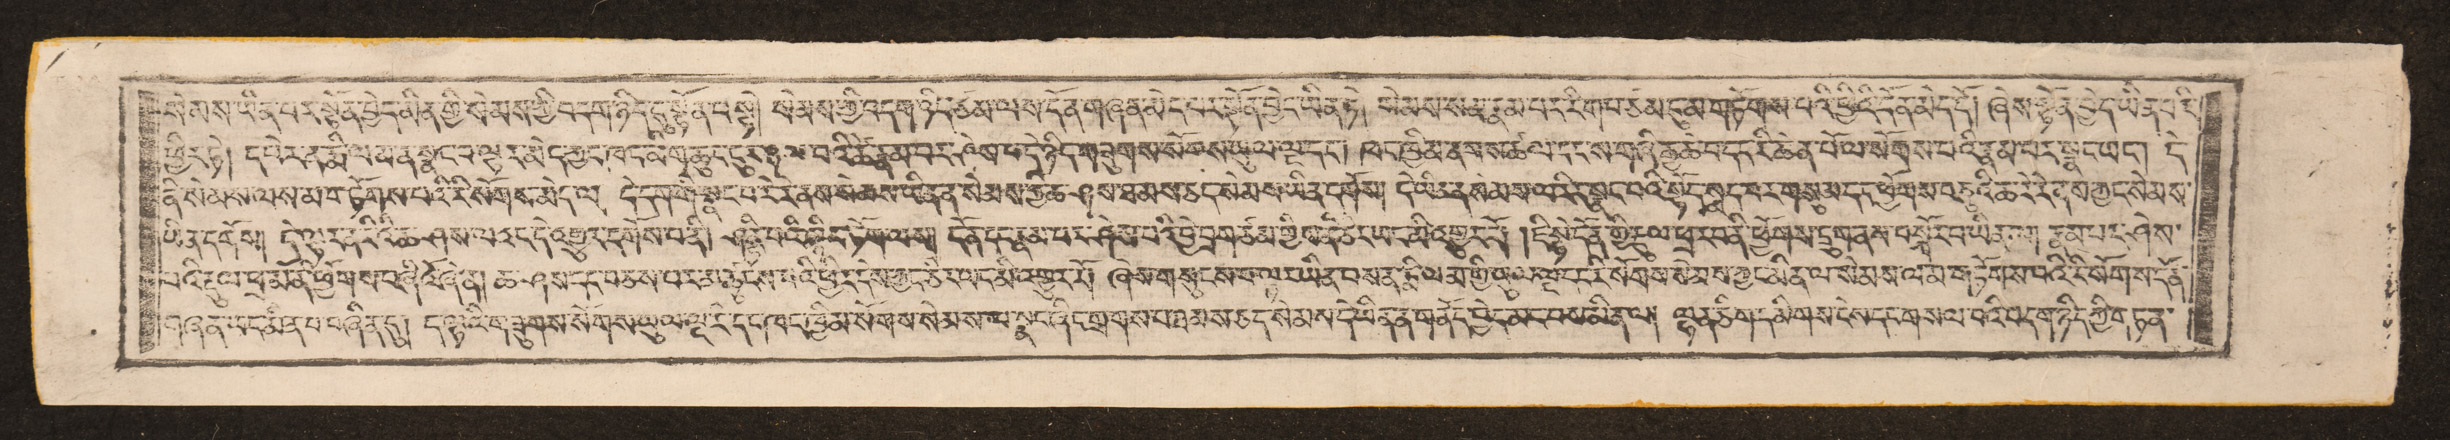སེམས་ཡིན་པར་སྟོན་བྱེད་མིན་གྱི་སེམས་ཀྱི་བདག་ཉིད་དུ་སྟོན་པ་སྟེ། སེམས་ཀྱི་བདག་ཉིད་ཙམ་ལས་དོན་གཞན་མེད་པར་སྟོན་བྱེད་ཡིན་ཏེ། སེམས་སམ་རྣམ་པར་རིག་པ་ཙམ་དུ་མ་གཏོགས་པའི་ཕྱིའི་དོན་མེད་དོ། ཞེས་སྟོན་ཕྱེད་ཡིན་པའི་
ཕྱིར་ཏེ། དཔེར་ན་རྨི་ལམ་ན་སྣང་བ་ལྟར་མེད་ཀྱང་ཁང་མིག་ཆུང་ངུར་ཞལ་པའི་ཚེ་རྣམ་པར་ཤེས་པ་དེ་ཉིད་གཟུགས་སོགས་ཡུལ་ལྔ་དང་། ཁང་ཁྱིམ་ནགས་ཚལ་དང་ས་གཞི་རྒྱ་ཆེ་བ་དང་རི་ཆེན་པོ་ལ་སོགས་པའི་རྣམ་པར་སྣང་ཡང་། དེ་
ནི་སེམས་ལས་མ་གཏོགས་པའི་རི་སོགས་མེད་ལ། དེ་དག་གི་སྣང་བ་རེ་རེ་ནས་སེམས་ཡིན་ན་སེམས་ཀྱི་ཆ་ཤས་ཐམས་ཅད་སེམས་ཡིན་དགོས། དེ་ཡིན་ན་སེམས་ལ་རིར་སྣང་པའི་སྟོད་སྨད་པར་གསུམ་དང་ཕྱོགས་བཅུའི་ཆ་རེ་རེ་ནས་ཀྱང་སེམས་
ཡིན་དགོས། དེ་ལྟར་ན་རིའི་ཆ་ཤས་ལའང་དེ་འགྱུར་དགོས་པ་ནི། ཤནྟི་པའི་སྙི་མ་ཏོག་ལས། དོན་དང་རྣམ་པར་ཤེས་པའི་བྱེ་བྲག་ཙམ་གྱིས་ནི་ཅིར་ཡང་མི་འགྱུར་རོ། །ཇི་སྟེ་དོན་གྱི་རྡུལ་ཕྲ་རབ་ནི་ཕྱོགས་དྲུག་ནས་བསྐོར་བ་ཡིན་ལ། རྣམ་པར་ཤེས་
པའི་རྡུལ་ཕྲ་མོ་ནི་ཕྱོགས་བཞིའོ་ཞེ་ན། ཆ་ཤས་དང་བཅས་པར་མཚུངས་པའི་ཕྱིར་དེས་ཀྱང་ཅིར་ཡང་མི་འགྱུར་རོ། ཞེས་གསུངས་པ་ལྟར་ཡིན་པས་ན་རྨི་ལམ་གྱི་ཡུལ་ལྔ་དང་རི་སོགས་སེམས་ཀྱང་མིན་ལ་སེམས་ལ་མ་གཏོགས་པའི་རི་སོགས་དོན་
གཞན་ཡང་མིན་པ་བཞིན་དུ། ད་ལྟའི་གཟུགས་སོགས་ཡུལ་ལྔ་རེ་དང་ཁང་ཁྱིམ་སོགས་སེམས་ལ་སྣང་ཞིང་གྲགས་པ་ཐམས་ཅད་སེམས་དེ་ཡིན་ན་གནོད་བྱེད་མང་བས་མིན་ལ། ལྷན་ཅིག་དམིགས་ངེས་དང་གསལ་པའི་བདག་ཉིད་ཀྱི་གཏན་